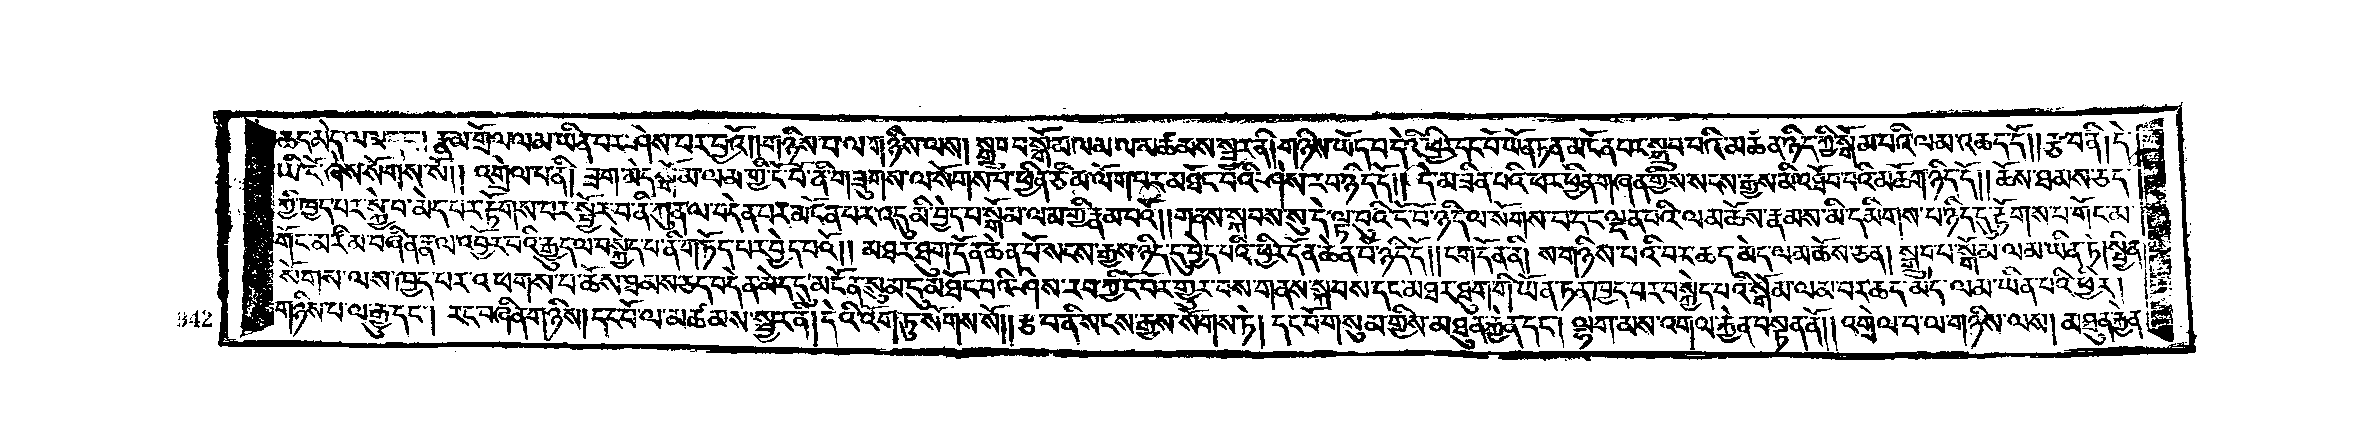ཆད་མེད་ལམ་དང་། རྣམ་གྲོལ་ལམ་ཡིན་པར་ཤེས་པར་བྱའོ། །གཉིས་པ་ལ་གཉིས་ལས། སྒྲུབ་པ་སྒོམ་ལམ་ལ་མཚམས་སྦྱར་ནི། གཉིས་ཡོད་པ་དེའི་ཕྱིར་དང་པོ་ཡོན་ཏན་མངོན་པར་སྒྲུབ་པའི་མཚན་ཉིད་ཀྱི་སྒོམ་པའི་ལམ་འཆད་དོ། །རྩ་བ་ནི། དེ་
ཡི་ངོ་ཞེས་སོགས་སོ། །འགྲེལ་པ་ནི། ཟག་མེད་སྒོམ་ལམ་གྱི་ངོ་བོ་ནི་གཟུགས་ལ་སོགས་པ་ཕྱིན་ཅི་མ་ལོག་པར་མཐོང་བའི་ཤེས་རབ་ཉིད་དོ། །དེ་མ་ཟིན་པའི་ཕར་ཕྱིན་གཞན་གྱིས་སངས་རྒྱས་མི་འཐོབ་པའི་མཆོག་ཉིད་དོ། །ཆོས་ཐམས་ཅད་
ཀྱི་ཁྱད་པར་སྐྱེ་བ་མེད་པར་རྟོགས་པར་སྦྱོར་བ་ནི་ཀུན་ལ་བདེན་པར་མངོན་པར་འདུ་མི་བྱེད་པ་སྒོམ་ལམ་གྱི་རྣམ་པའོ། །གནས་སྐབས་སུ་དེ་ལྟ་བུའི་ངོ་བོ་ཉིད་ལ་སོགས་པ་དང་ལྡན་པའི་ལམ་ཆོས་རྣམས་མི་དམིགས་པ་ཉིད་དུ་རྟོགས་པ་གོང་མ་
གོང་མ་རིམ་བཞིན་རྣལ་འབྱོར་བའི་རྒྱུད་ལ་བསྐྱེད་པ་ནི་གཏོད་པར་བྱེད་པའོ། །མཐར་ཐུག་དོན་ཆེན་པོ་སངས་རྒྱས་ཉིད་དུ་བྱེད་པའི་ཕྱིར་དོན་ཆེན་པོ་ཉིད་དོ། །ངག་དོན་ནི། ས་གཉིས་པའི་བར་ཆད་མེད་ལམ་ཆོས་ཅན། སྒྲུབ་པ་སྒོམ་ལམ་ཡིན་ཏེ། སྦྱིན་
སོགས་ལས་ཁྱད་པར་འཕགས་པ་ཆོས་ཐམས་ཅད་བདེན་མེད་དུ་མངོན་སུམ་དུ་མཐོང་བའི་ཤེས་རབ་ཀྱི་ངོ་བོར་གྱུར་བས་གནས་སྐབས་དང་མཐར་ཐུག་གི་ཡོན་ཏན་ཁྱད་པར་བསྐྱེད་པའི་སྒོམ་ལམ་བར་ཆད་མེད་ལམ་ཡིན་པའི་ཕྱིར།
གཉིས་པ་ལ་རྒྱུ་དང་། རང་བཞིན་གཉིས། དང་པོ་ལ་མཚམས་སྦྱར་ནི། དེའི་འོག་ཏུ་སོགས་སོ། །རྩ་བ་ནི་སངས་རྒྱས་སོགས་ཏེ། དང་པོ་གསུམ་གྱིས་མཐུན་རྐྱེན་དང་། ལྷག་མས་འགལ་རྐྱེན་བསྟན་ནོ། །འགྲེལ་བ་ལ་གཉིས་ལས། མཐུན་རྐྱེན་